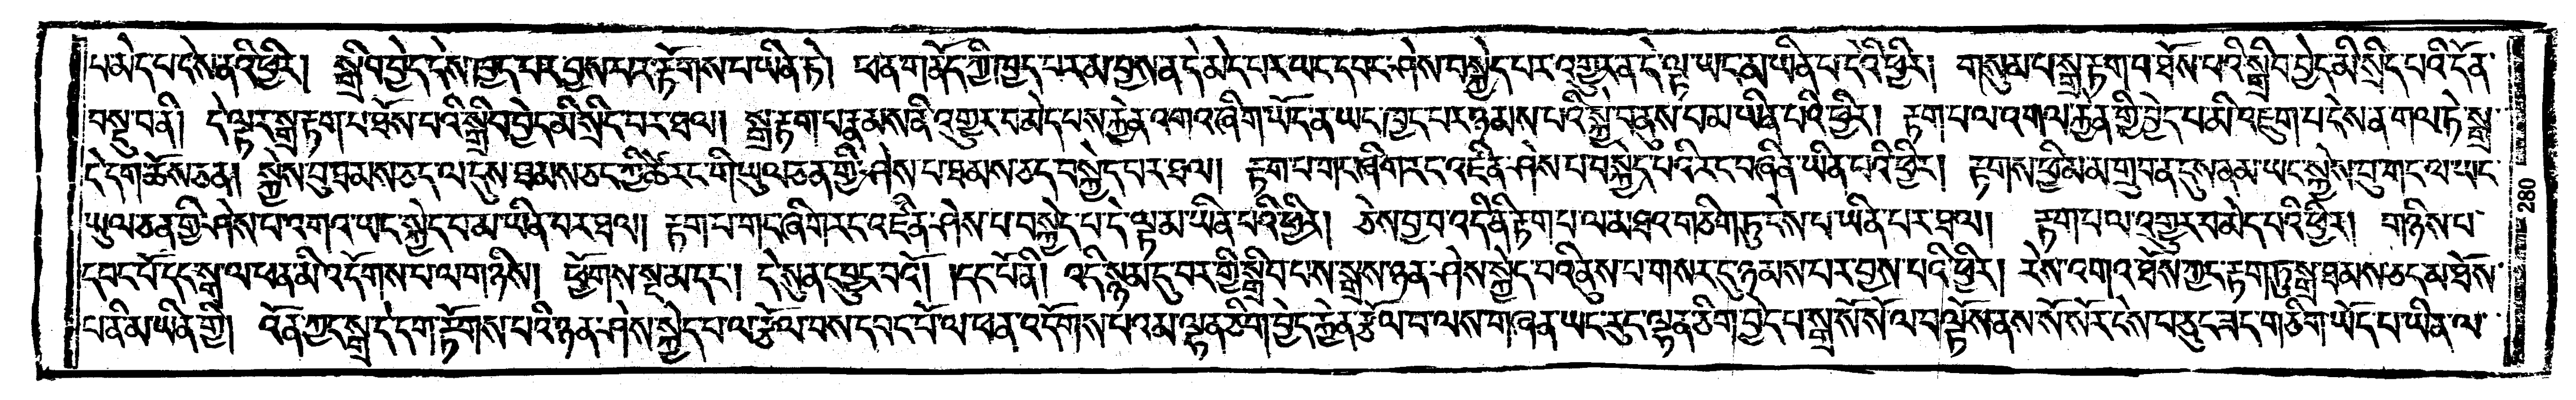པ་མེད་པ་ངེས་ནའི་ཕྱིར། སྒྲིབ་བྱེད་དེས་ཁྱད་པར་བྱས་པར་རྟོགས་པ་ཡིན་ཏེ། ཕན་གནོད་ཀྱི་ཁྱད་པར་མ་བྱས་ན་དེ་མེད་པར་ཡང་དབང་ཤེས་བསྐྱེད་པར་འགྱུར་ན་དེ་ལྟ་ཡང་མ་ཡིན་པ་དེའི་ཕྱིར། གསུམ་པ་སྒྲ་རྟག་པ་ཐོས་པའི་སྒྲིབ་བྱེད་མི་སྲིད་པའི་དོན་
བསྡུ་བ་ནི། དེ་ལྟར་སྒྲ་རྟག་པ་ཐོས་པའི་སྒྲིབ་བྱེད་མི་སྲིད་བར་ཐལ། སྒྲ་རྟག་པ་རྣམས་ནི་འགྱུར་བ་མེད་པས་རྐྱེན་འགའ་ཞིག་ཡོད་ན་ཡང་ཁྱད་པར་ཉམས་པའི་སྐྱེ་བ་ནུས་པ་མ་ཡིན་པའི་ཕྱིར། རྟག་པ་ལ་འགལ་རྐྱེན་གྱི་བྱེད་པ་མི་འཇུག་པ་ངེས་ན་གལ་ཏེ་སྒྲ་
དེ་དག་ཆོས་ཅན། སྐྱེས་བུ་ཐམས་ཅད་ལ་དུས་ཐམས་ཅད་ཀྱི་ཚེ་རང་གི་ཡུལ་ཅན་གྱི་ཤེས་པ་ཐམས་ཅད་བསྐྱེད་པར་ཐལ། རྟག་པ་གང་ཞིག་རང་འཛིན་ཤེས་པ་བསྐྱེད་པའི་རང་བཞིན་ཡིན་པའི་ཕྱིར། རྟགས་ཕྱི་མ་མ་གྲུབ་ན་དུས་ནམ་ཡང་སྐྱེས་བུ་གང་ལ་ཡང་
ཡུལ་ཅན་གྱི་ཤེས་པ་འགའ་ཡང་སྐྱེད་པ་མ་ཡིན་པར་ཐལ། རྟག་པ་གང་ཞིག་རང་འཛིན་ཤེས་པ་བསྐྱེད་པ་དེ་ལྟ་མ་ཡིན་པའི་ཕྱིར། ཅེས་བྱ་བ་འདི་ནི་རྟག་པ་ལ་མཐའ་གཅིག་ཏུ་ངེས་པ་ཡིན་པར་ཐལ། རྟག་པ་ལ་འགྱུར་བ་མེད་པའི་ཕྱིར། གཉིས་པ་
དབང་པོ་དང་སྒྲ་ལ་ཕན་མི་འདོགས་པ་ལ་གཉིས། ཕྱོགས་སྔ་མ་དང་། དེ་སུན་དབྱུང་བའོ། །དང་པོ་ནི། འདི་སྙམ་དུ་བར་གྱི་སྒྲིབ་པས་སྒྲས་ཉན་ཤེས་སྐྱེད་བའི་ནུས་པ་གསར་དུ་ཉམས་པར་བྱས་པའི་ཕྱིར། རེས་འགའ་ཐོས་ཀྱང་རྟག་ཏུ་སྒྲ་ཐམས་ཅད་མ་ཐོས་
པ་ནི་མ་ཡིན་གྱི། འོན་ཀྱང་སྒྲ་དེ་དག་རྟོགས་པའི་ཉན་ཤེས་སྐྱེད་པ་ལ་རྩོལ་བས་དབང་པོ་ལ་ཕན་འདོགས་པའམ་ལྷན་ཅིག་བྱེད་རྐྱེན་རྩོལ་བ་ལས་གཞན་ཡང་རུང་ལྷན་ཅིག་བྱེད་པ་སྒྲ་སོ་སོ་ལ་བལྟོས་ནས་སོ་སོར་ངེས་པ་ཅུང་ཟད་གཅིག་ཡོད་པ་ཡིན་ལ་